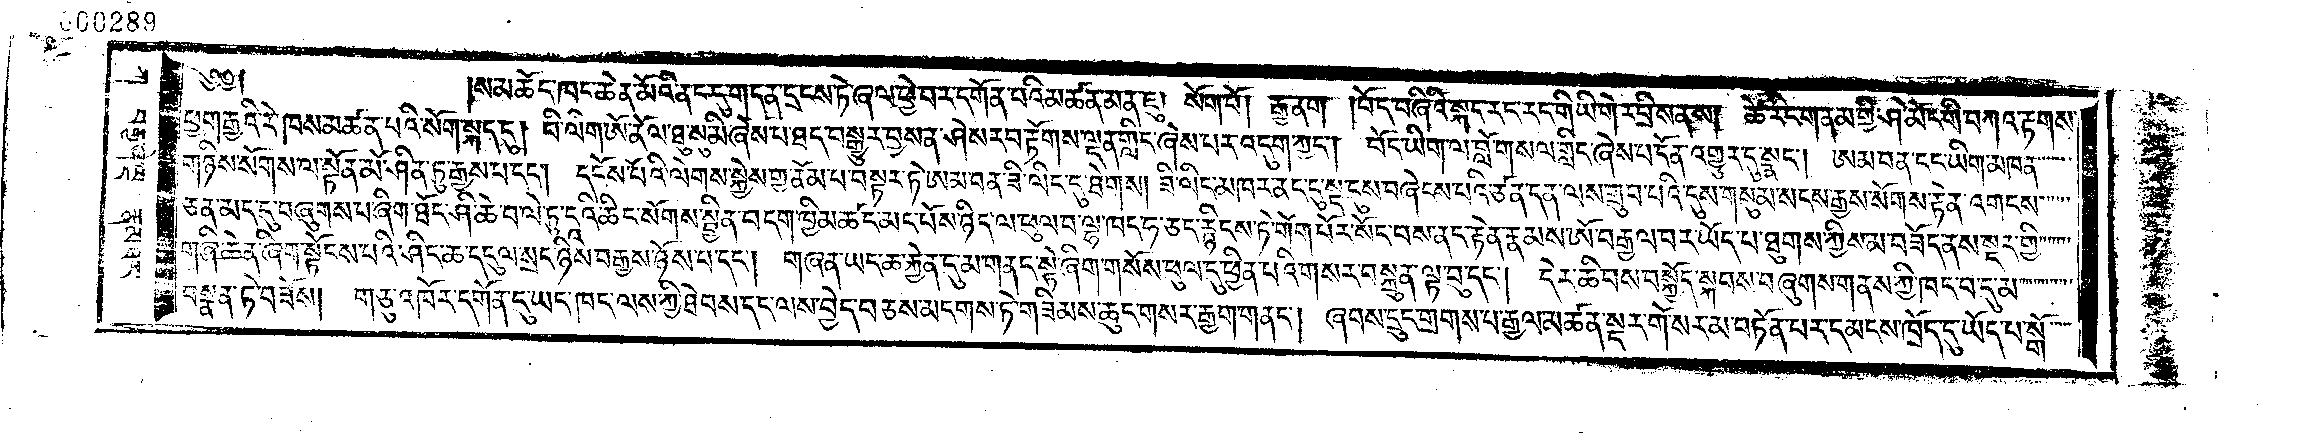༄༅། །ས་མཆོད་ཁང་ཆེན་མོའི་ནང་དུ་གདན་དྲངས་ཏེ་ཞལ་ཕྱེ་བར་དགོན་པའི་མཚན་མན་ཇུ། སོག་པོ། རྒྱ་ནག །བོད་བཞིའི་སྐད་རང་རང་གི་ཡི་གེར་བྲིས་ནས། ཚེ་རིང་གནམ་གྱི་ཤེ་མོང་གི་བཀའ་རྟགས་
ཕྱག་རྒྱའི་རེ་ཁས་མཚན་པའི་སོག་སྐད་དུ། བི་ལིག་ཨོ་ནོལ་ཐུ་སུ་མི་ཞེས་པ་ཐད་བསྒྱུར་བྱས་ན་ཤེས་རབ་རྟོགས་ལྡན་གླིང་ཞེས་པར་འདུག་ཀྱང་། བོད་ཡིག་ལ་བློ་གསལ་གླིང་ཞེས་པ་དོན་འགྱུར་དུ་སྣང་། ཨམ་བན་དང་ཡིག་མཁན་
གཉིས་སོགས་ལ་སྟོན་མོ་ཤིན་ཏུ་རྒྱས་པ་དང་། དངོས་པོའི་ལེགས་སྐྱེས་གྱ་ནོམ་པ་བསྟར་ཏེ་ཨམ་བན་ཟི་ལིང་དུ་ཐེགས། ཟི་ལིང་མཁར་ནང་དུ་སྔ་དུས་བཞེངས་པའི་ཙན་དན་ལས་གྲུབ་པའི་དུས་གསུམ་སངས་རྒྱས་སོགས་རྟེན་འགངས་
ཅན་མང་དུ་བཞུགས་པ་ཞིག་ཐོང་ཤི་ཆེ་བ་ལེ་ཏུ་དཱའི་ཆིང་སོགས་སྦྱིན་བདག་ཁྱིམ་ཚང་མང་པོས་ཉིད་ལ་ཕུལ་བ་ལྷ་ཁང་ཧ་ཅང་རྙིངས་ཏེ་གོག་པོར་སོང་བས་ནང་རྟེན་རྣམས་ཨོ་བརྒྱལ་བར་ཡོད་པ་ཐུགས་ཀྱིས་མ་བཟོད་ནས་སྔར་གྱི་
གཞི་ཆེན་ཞིག་སྟོངས་པའི་ཤིང་ཆ་དངུལ་སྲང་ཉིས་བརྒྱས་ཉོས་པ་དང་། གཞན་ཡང་ཆ་རྐྱེན་དུ་མ་གནང་སྟེ་ཞིག་གསོས་ཕུལ་དུ་ཕྱིན་པའི་གསར་བསྐྲུན་ལྟ་བུ་དང་། དེར་ཆིབས་བསྐྱོད་སྐབས་བཞུགས་གནས་ཀྱི་ཁང་བ་དུ་མ་
བསྣན་ཏེ་བཟོས། གཅུ་འཁོར་དགོན་དུ་ཡང་ཁང་ལས་ཀྱི་ཐེབས་དང་ལས་བྱེད་བཅས་མངགས་ཏེ་གཟིམས་ཆུང་གསར་རྒྱག་གནང་། ཞབས་དྲུང་གྲགས་པ་རྒྱལ་མཚན་སྔར་གོ་སར་མ་བཏོན་པར་དམངས་ཁྲོད་དུ་ཡོད་པ་སྒོ་